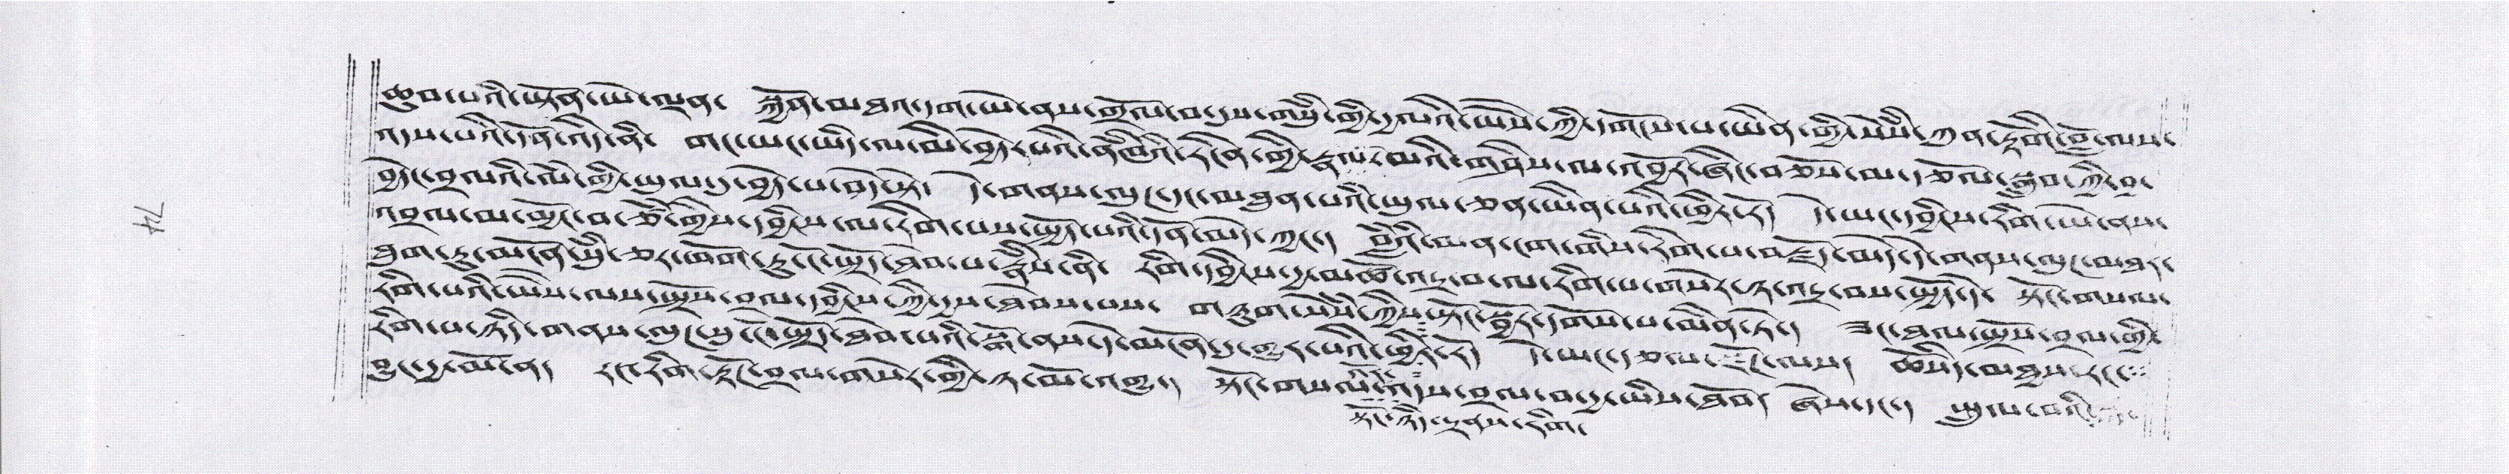ཆུབ་པའི་ཡོན་ཏན་ཡེ་ལྡན་སྐྱོན་མཐའ་དག་ཡེ་ནས་གྲོལ་བ་དུས་གསུམ་གྱི་རྒྱལ་བའི་ཡེ་ཤེས་ཀྱི་དགོངས་པ་ཡིན་གྱི་སེམས་ཀུན་རྟོག་གི་བློ་གི་བློ་ལས་
འདས་པའི་དོན་འདི་ནི། གང་ཡང་ཡིད་ལ་མི་བྱེད་པའི་ནམ་མཁའི་རང་བཞིན་གྱི་རྣལ་མའི་གཤིས་ལ་འབྱོར་ཞིང་བཅོས་མ་རྩོལ་སྒྲུབ་ཀྱི་བྱ་
བྱེད་དང་བྲལ་བའི་ལམ་གྱི་ཡུལ་དུ་བྱེད་པ་བདེ་སྟེ། དེ་གནས་ལུགས་དང་མཐུན་པའི་ཡུལ་ཅན་ཡིན་པའི་ཕྱིར་རོ། དེ་ཡང་དབྱིངས་རིག་ཡེ་ནས་
འབྲལ་མ་མྱོང་བ་ཙམ་གྱིས་དབྱིངས་ལ་རིག་པས་སྤྱོད་པའི་དོན་མེད་ཀྱང་། བླ་མའི་མན་ངག་གིས་རིག་པ་བརྗོེད་མེད་དེ་གནས་ལུགས་མཐར་
ཐུག་ཏུ་མངོན་སུམ་ཅར་ཕོག་ཏུ་ངོ་སྤྲོད་ཐེབས་པ་རྣམས་ནི། རིག་དབྱིངས་རྒྱ་མཚོ་འདྲ་བ་ལ་རིག་པ་གསེར་ཉ་འདྲ་བས་སྤྱོད་དེ། སྟོང་གསལ་
རིག་པའི་ཡེ་ཤེས་ལས་སྤྲོས་བྲལ་དབྱིངས་ཀྱི་རྒྱས་ཐེབས་པས་གཉུག་སེམས་ཀྱི་སྟོང་ཉིད་དྲན་པའི་རིག་སྟོང་སྦྱོར་དགོས་པ་མིན་ཏེ། ཟང་ཐལ་སྤྲོས་བྲལ་གྱི་
རིག་པ་ཉིད་གནས་ལུགས་ངོ་སྤྲོད་ཐེབས་པའི་སྒོ་ནས་དེ་མངོན་དུ་གྱུར་པའི་ཕྱིར་རོ། དེ་ཡང་རྩལ་རྫོགས་ལས། ཆོས་ཉིད་མཐའ་ཡས་རང་
བྱུང་རྒྱ་མཚོ་ན། རང་རིག་རྟོག་བྲལ་གསེར་གྱི་ཉ་མོ་འགྱུ། སྟོང་གསལ་འཁོར་འདས་བྲལ་བ་རྒྱ་ཡིས་ཐོབ། ཞེས་དང་། སྤྲུལ་པའི་སྐུ་